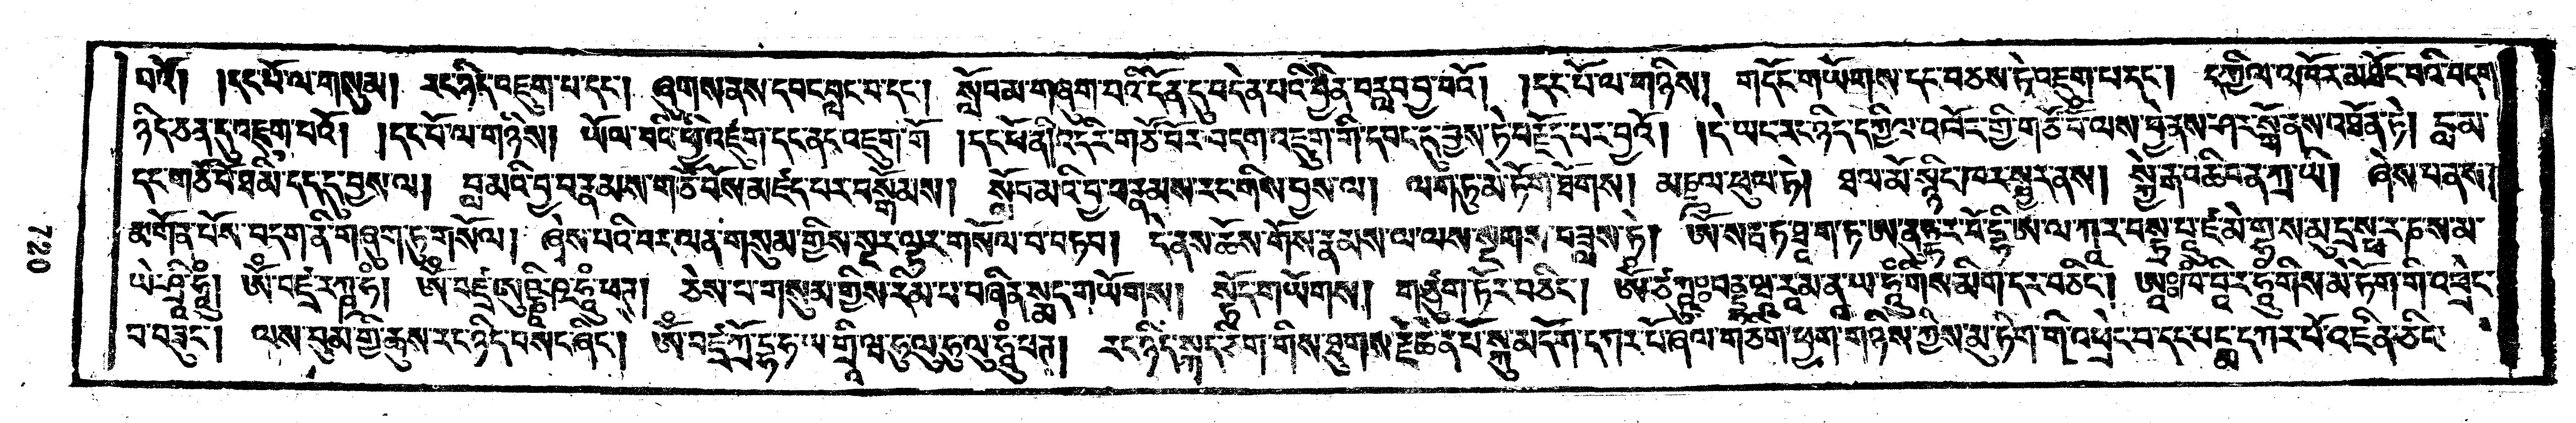བའོ། །དང་པོ་ལ་གསུམ། རང་ཉིད་འཇུག་པ་དང་། ཞུགས་ནས་དབང་བླང་བ་དང་། སློབ་མ་གཞུག་བའི་དོན་དུ་བདེན་པའི་བྱིན་བརླབ་བྱ་བའོ། །དང་པོ་ལ་གཉིས། གདོང་གཡོགས་དང་བཅས་ཏེ་འཇུག་པ་དང་། དཀྱིལ་འཁོར་མཐོང་བའི་བདག་
ཉིད་ཅན་དུ་འཇུག་པའོ། །དང་པོ་ལ་གཉིས། ཡོལ་བའི་ཕྱི་འཛུག་དང་ནང་འཇུག་གོ །དང་པོ་ནི། འདིར་གཙོ་བོར་བདག་འཇུག་གི་དབང་དུ་བྱས་ཏེ་བརྗོད་པར་བྱའོ། །དེ་ཡང་རང་ཉིད་དཀྱིལ་འཁོར་གྱི་གཙོ་བོ་ལས་བྱེ་ནས་ཤར་སྒོ་ནས་འཐོན་ཏེ། བླ་མ་
དང་གཙོ་བོ་ཐ་མི་དད་དུ་བྱས་ལ། བླ་མའི་བྱ་བ་རྣམས་གཙོ་བོས་མཛད་པར་བསྒོམས། སློབ་མའི་བྱ་བ་རྣམས་རང་གིས་བྱས་ལ། ལག་ཏུ་མེ་ཏོག་ཐོགས། མཎྜལ་ཕུལ་ཏེ། ཐལ་མོ་སྙིང་ཁར་སྦྱར་ནས། སྐྱེ་རྒ་འཆི་བ་ན་ཀྲ་ཡི། ཞེས་པ་ནས།
མགོན་པོས་བདག་ནི་གཞུག་ཏུ་གསོལ། ཞེས་པའི་བར་ལན་གསུམ་གྱིས་སྔར་ལྟར་གསོལ་བ་བཏབ། དེ་ནས་ཆོས་གོས་རྣམས་ལ་ལས་སྔགས་བཟླས་ཏེ། ཨོཾ་སརྦ་ཏ་ཐཱ་ག་ཏ་ཨ་ནུཏྟ་ར་བོ་དྷི་ཨ་ལ་ཀཱར་བསྟྲ་པཱུ་ཛ་མེ་གྷ་ས་མུ་དྲ་སྥ་ར་ཎ་ས་མ་
ཡེ་ཤྲཱི་ཧཱུཾ། ཨོཾ་བཛྲ་རཀྵ་ཧཾ། ཨོཾ་བཛྲ་ཨུཥྞཱི་ཥ་ཧཱུཾ་ཕཊ། ཅེས་པ་གསུམ་གྱིས་རིམ་པ་བཞིན་སྨད་གཡོགས། སྟོད་གཡོགས། གཙུག་ཏོར་བཅིང་། ཨོཾ་ཙཀྵུཿ བནྡྷ་ཝཱ་རཱ་མ་ནཱ་ཡ་ཧཱུཾ་གིས་མིག་དར་བཅིང་། ཨཱཿཁཾ་བཱི་ར་ཧཱུཾ་གིས་མེ་ཏོག་གི་འཕྲེང་
བ་བཟུང་། ལས་བུམ་གྱི་ཆུས་རང་ཉིད་བསང་ཞིང་། ཨོཾ་བཛྲ་ཀྲོ་དྷ་ཧ་ཡ་གྲཱི་ཝ་ཧུ་ལུ་ཧུ་ལུ་ཧཱུཾ་ཕཊ། རང་ཉིད་སྐད་ཅིག་གིས་ཐུགས་རྗེ་ཆེན་པོ་སྐུ་མདོག་དཀར་པོ་ཞལ་གཅིག་ཕྱག་གཉིས་ཀྱིས་མུ་ཏིག་གི་འཕྲེང་བ་དང་པདམ་དཀར་པོ་འཛིན་ཅིང་